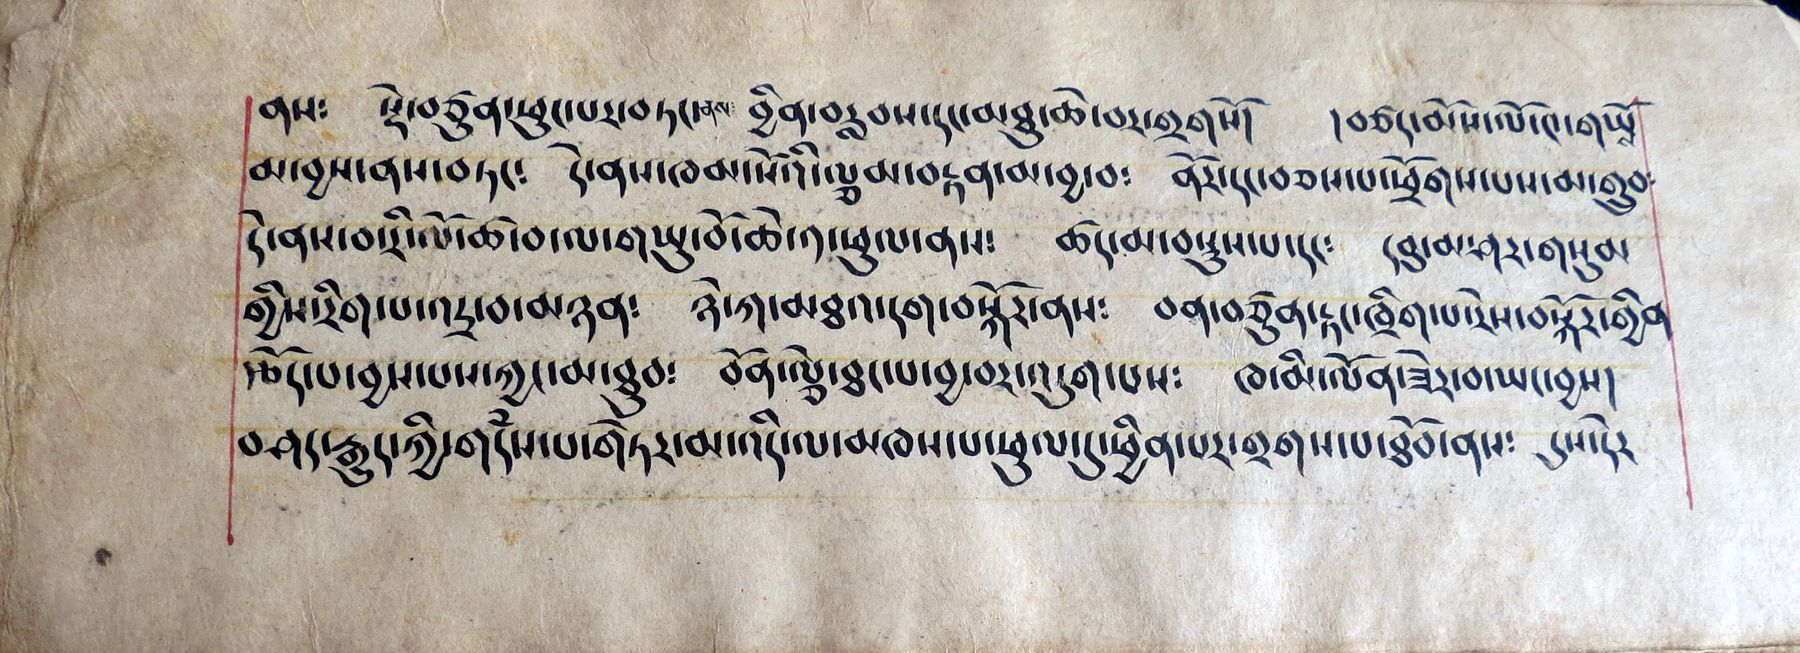ནས་སྡེ་བཙུན་ཕུང་བར་བཏང་ནས་བྱིན་རླབས་དང་མཐུ་ཆེ་བར་གྲགས་སོ། བཙད་མོས་ལོ་བཞི་གཡོས་
མ་བྱས་ནས་བཏང་། དེ་ནས་ཁམས་སོའི་ལྕམ་བརྟན་མ་བྱ་བ། ནོར་དང་བཅས་པ་ཕྲོགས་པས་མ་གྲུབ། 
དེ་ནས་བ་རི་ལོ་ཙཱ་བ་ལ་གཡུ་བོ་ཆེ་ཅིག་ཕུལ་ནས་ཚད་མ་བསྡུས་པ་དང་། དབུ་མ་ཤར་གསུམ་
གྱི་རིག་པ་འདྲ་བ་མཉན། ཉེ་ཀ་མཐའ་དག་བསྐོར་ནས། བན་བཙུན་རྟང་ཁྲིག་པ་རེས་བསྐོར་གྱིན་
རྩོད་པ་བྱས་པས་ཀྱང་མ་ཐུབ། བོན་ལྕེ་ཐང་པ་བྱ་བར་འདུག་པས། ཁ་མི་ལོན་ཟེར་བ་ཡང་བྱས། 
བཤད་རྒྱུད་ཀྱི་གདམས་པ་གཏེར་མ་འདི་ལ་མཁས་པ་ཕུལ་དུ་པྱིན་པར་གྲགས་པ་ཐོབ་ནས། དུས་དེར་